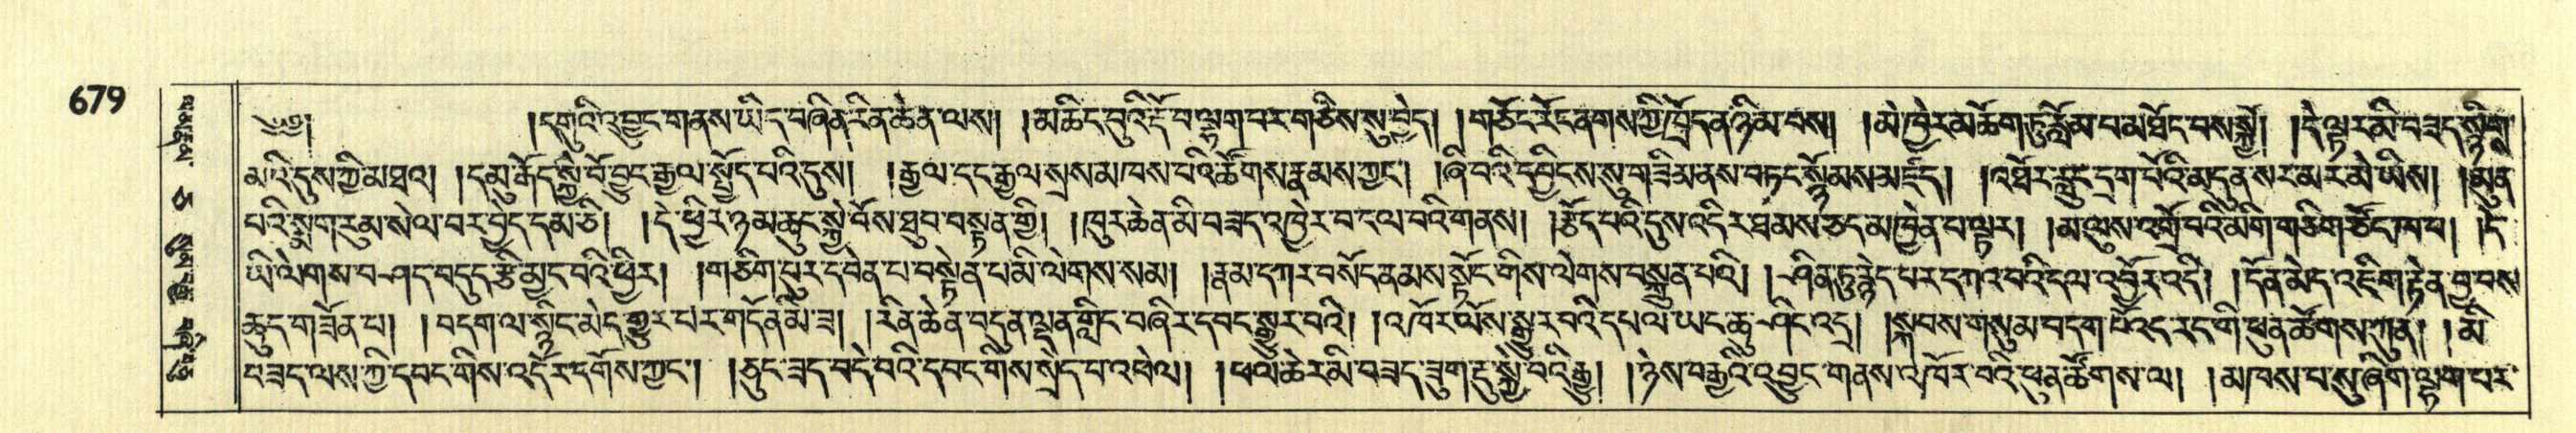༄༅། །དགུའི་འབྱུང་གནས་ཡིད་བཞིན་རིན་ཆེན་ལས། །མཆིང་བུའི་རྡོ་བ་ལྷག་པར་གཅིས་སུ་བྱེད། །གཅོང་རོང་ནགས་ཀྱི་ཁྲོད་ན་ཉི་མ་པས། །མེ་ཁྱེར་མཆོག་ཏུ་རློམ་པའི་མཐོང་བས་སྐྱོ། །དེ་ལྟར་མི་བཟད་སྙིགས་
མའི་དུས་ཀྱི་མཐའ། །དམུ་རྒོད་སྐྱེ་བོ་བྱུང་རྒྱལ་སྤྱོད་པའི་དུས། །རྒྱལ་དང་རྒྱལ་སྲས་མཁས་པའི་ཚོགས་རྣམས་ཀྱང་། །ཞི་བའི་དབྱིངས་སུ་གཟིམ་ནས་བཏང་སྙོམས་མཛད། །འཐོར་རླུང་དྲག་པོའི་མདུན་སར་མར་མེ་ཡིས། །མུན་
པའི་སྨག་རུམ་སེལ་བར་བྱེད་དམ་ཅི། །དེ་ཕྱིར་ཉམ་ཆུང་སྐྱེ་བོས་ཐུབ་བསྟན་གྱི། །ཁུར་ཆེན་མི་བཟད་འཁྱེར་བ་ངལ་བའི་གནས། །རྩོད་པའི་དུས་འདིར་ཐམས་ཅད་མཁྱེན་པ་ལྟར། །མ་ལུས་འགྲོ་བའི་མིག་གཅིག་ཙོང་ཁ་པ། །དེ་
ཡི་ལེགས་བཤད་བདུད་རྩི་མྱང་བའི་ཕྱིར། །གཅིག་པུར་དབེན་པ་བསྟེན་པ་མི་ལེགས་སམ། །རྣམ་དཀར་བསོད་ནམས་སྟོང་གིས་ལེགས་བསྐྲུན་པའི། །ཤིན་ཏུ་རྙེད་པར་དཀའ་བའི་དལ་འབྱོར་འདི། །དོན་མེད་འཇིག་རྟེན་བྱ་བས་
ཆུད་གཟོན་པ། །བདག་ལ་སྙིང་མེད་གྱུར་པར་གདོན་མི་ཟ། །རིན་ཆེན་བདུན་ལྡན་གླིང་བཞིར་དབང་སྒྱུར་བའི། །འཁོར་ལོས་སྒྱུར་བའི་དཔལ་ཡང་ཆུ་ཤིང་འདྲ། །སྐབས་གསུམ་བདག་པོའང་རང་གི་ཕུན་ཚོགས་ཀུན། །མི་
བཟད་ལས་ཀྱི་དབང་གིས་འདོར་དགོས་ཀྱང་། །ཅུང་ཟད་བདེ་བའི་དབང་གིས་སྲེད་པ་འཕེལ། །ཕལ་ཆེར་མི་བཟད་ཟུག་རྡུ་སྐྱེ་བའི་རྒྱུ། །ཉེས་བརྒྱའི་འབྱུང་གནས་འཁོར་བའི་ཕུན་ཚོགས་ལ། །མཁས་པ་སུ་ཞིག་ལྷག་པར་